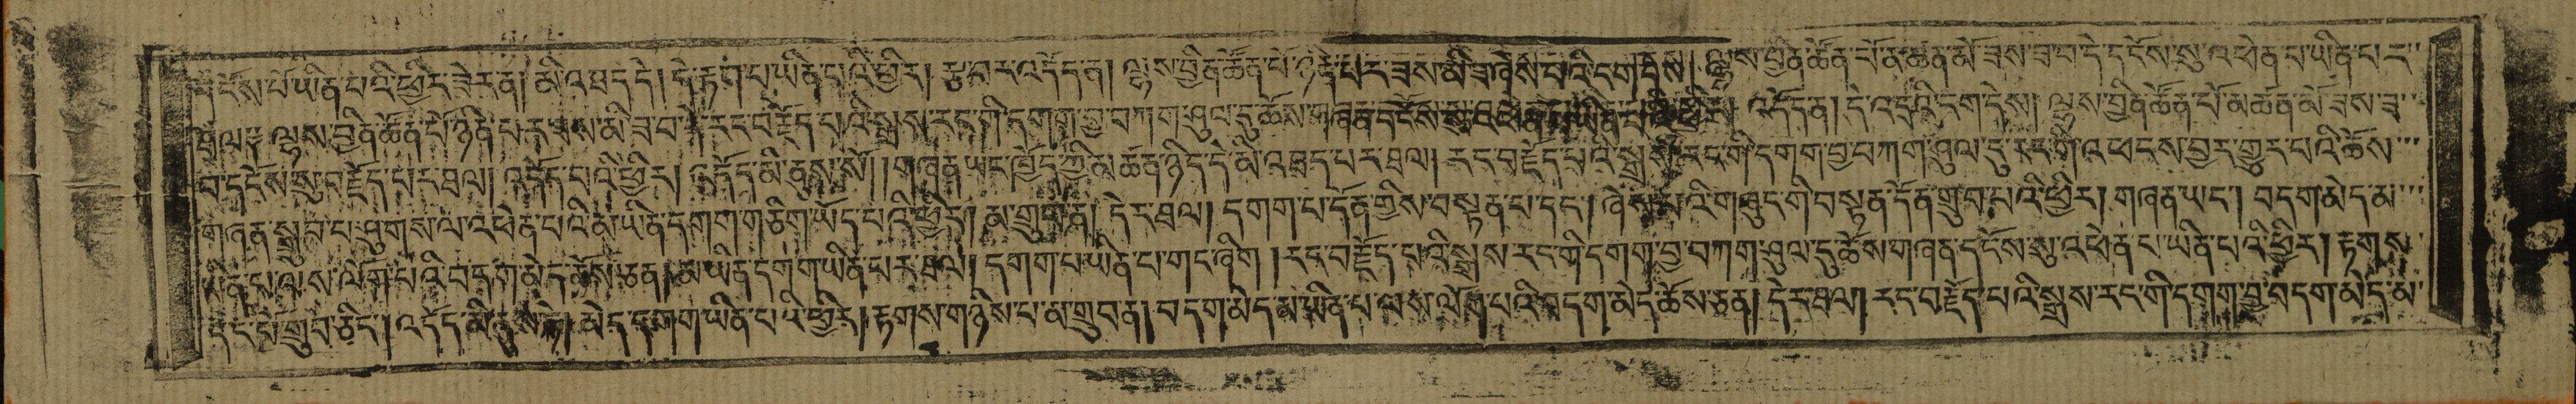དངོས་པོ་ཡིན་པའི་ཕྱིར་ཟེར་ན། མི་འཐད་དེ། དེ་རྟག་པ་ཡིན་པའི་ཕྱིར། རྩ་བར་འདོད་ན། ལྷས་བྱིན་ཚོན་པོ་ཉིན་པར་ཟས་མི་ཟ་ཞེས་པའི་ངག་དེས། ལྷས་བྱིན་ཚོན་པོ་མཚན་མོ་ཟས་ཟ་བ་དེ་དངོས་སུ་འཕེན་པ་ཡིན་པར་
ཐལ༑ ལྷས་བྱིན་ཚོན་པོ་ཉིན་པར་ཟས་མི་ཟ་བ་དེ་རང་བརྗོད་པའི་སྒྲས་རང་གི་དགག་བྱ་བཀག་ཤུལ་དུ་ཆོས་གཞན་དངོས་སུ་འཕེན་པ་ཡིན་པའི་ཕྱིར། འདོད་ན། དེ་འདྲའི་ངག་དེས། ལྷས་བྱིན་ཚོན་པོ་མཚན་མོ་ཟས་ཟ་
བ་དངོས་སུ་བརྗོད་པར་ཐལ། འདོད་པའི་ཕྱིར། འདོད་མི་ནུས་སོ། །གཞན་ཡང་ཁྱོད་ཀྱི་མཚན་ཉིད་དེ་མི་འཐད་པར་ཐལ། རང་བརྗོད་པའི་སྒྲས་རང་གི་དགག་བྱ་བཀག་ཤུལ་དུ་རང་གི་འཕངས་བྱར་གྱུར་བའི་ཆོས་
གཞན་སྒྲུབ་པ་ཤུགས་ལ་འཕེན་པའི་མ་ཡིན་དགག་གཅིག་ཡོད་པའི་ཕྱིར། མ་གྲུབ་ན། དེར་ཐལ། དགག་པ་དོན་གྱིས་བསྟན་པ་དང་། ཞེས་པའི་གཞུང་གི་བསྟན་དོན་གྲུབ་པའི་ཕྱིར། གཞན་ཡང་། བདག་མེད་མ་
ཡིན་པ་ལས་ལོག་པའི་བདག་མེད་ཆོས་ཅན། མ་ཡིན་དགག་ཡིན་པར་ཐལ། དགག་པ་ཡིན་པ་གང་ཞིག །རང་བརྗོད་པའི་སྒྲས་རང་གི་དགག་བྱ་བཀག་ཤུལ་དུ་ཆོས་གཞན་དངོས་སུ་འཕེན་པ་ཡིན་པའི་ཕྱིར། རྟགས་
དང་པོ་གྲུབ་ཅིང་། འདོད་མི་ནུས་ཏེ། མེད་དགག་ཡིན་པའི་ཕྱིར། རྟགས་གཉིས་པ་མ་གྲུབ་ན། བདག་མེད་མ་ཡིན་པ་ལས་ལོག་པའི་བདག་མེད་ཆོས་ཅན། དེར་ཐལ། རང་བརྗོད་པའི་སྒྲས་རང་གི་དགག་བྱ་བདག་མེད་མ་